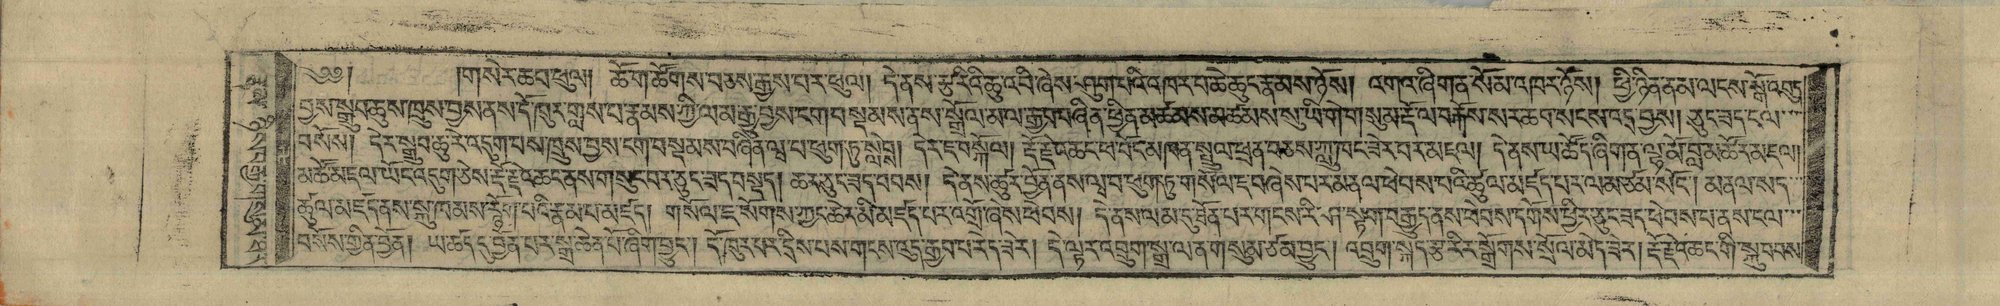༄༅། །གསེར་ཆབ་ཕུལ། ཆོ་ག་ཚོགས་བཅས་རྒྱས་པར་ཕུལ། དེ་ནས་རྩ་རིའི་ཆུ་འབི་ཞེས་ཤུག་པའི་འཁར་པ་ཆེ་ཆུང་རྣམས་ཉོས། འགའ་ཞིག་ན་སོམ་འཁར་ཉོས། ཕྱི་ཉིན་ནམ་ལངས་སྒོ་འབུད་
བྱས་སྒྲུབ་ཆུས་ཁྲུས་བྱས་ནས་དོ་ཁུར་གླས་པ་རྣམས་ཀྱི་ལམ་རྒྱུ་བྱས་ངག་བསྡམས་ནས་སྒྲོལ་མ་ལ་རྒྱབ་བཞིན་ཕྱིན་མཚམས་མཚམས་སུ་ཡི་གེ་གསུམ་རྡོ་ལ་བརྐོས་སར་ཆབ་སངས་འདྲ་བྱས། ཅུང་ཟད་ངལ་
བསོས༑ དེར་སྒྲུབ་ཆུ་རེ་འདུག་པས་ཁྲུས་བྱས་ངག་བསྡམས་བཞིན་ཝ་པ་ཕུག་ཏུ་སླེབས། དེར་ཇ་བསྐོལ། རྡོ་རྗེ་འཆང་ཕ་བོང་མཁན་སྤྲུལ་ཕྲན་བཅས་ཀླུ་ཁང་ཟེར་བར་མཇལ། དེ་ནས་ཡ་ཚོད་ཞིག་ན་ལྷ་མོ་བླ་མཚོར་མཇལ།
མཚོ་མཇལ་ཡོང་འདུག་ཅེས་རྡོ་རྗེ་འཆང་ནས་གསུང་བར་ཅུང་ཟད་བསྡད། ཆར་ཅུང་ཟད་བབས། དེ་ནས་ཚུར་བྱོན་ནས་ཝ་བ་ཕུག་ཏུ་གསོལ་ཇ་བཞེས་པར་མནལ་ཕེབས་པའི་ཚུལ་མཛད་པར་ལམ་ཙམ་སོང་། མནལ་སད་
ཚུལ་མཛད་ནས་སྐུ་ཁམས་རྙོག་པའི་རྣམ་པ་མཛད། གསོལ་ཇ་སོགས་ཀྱང་ཆེར་མི་མཛད་པར་འགྲོ་ཞེས་ཕེབས། དེ་ནས་ལམ་དུ་ཐོན་པར་གངས་རི་ཤ་སྟག་བརྒྱུད་ནས་ཕེབས་དགོས་ཕྱིར་ཅུང་ཟད་ཕེབས་པ་ནས་ངལ་
བསོས་གྱིན་བྱོན། ཡ་ཚད་དུ་བྱོན་པར་སྒྲ་ཆེན་པོ་ཞིག་བྱུང་། དོ་ཁུར་པར་དྲིས་པས་གངས་འུད་རྒྱབ་པ་རེད་ཟེར། དེ་ལྟར་འབྲུག་སྒྲ་ལན་གསུམ་ཙམ་བྱུང་། འབྲུག་སྐད་རྩ་རིར་སྒྲོགས་སྲོལ་མེད་ཟེར། རྡོ་རྗེ་འཆང་གི་སྐུ་བབས་